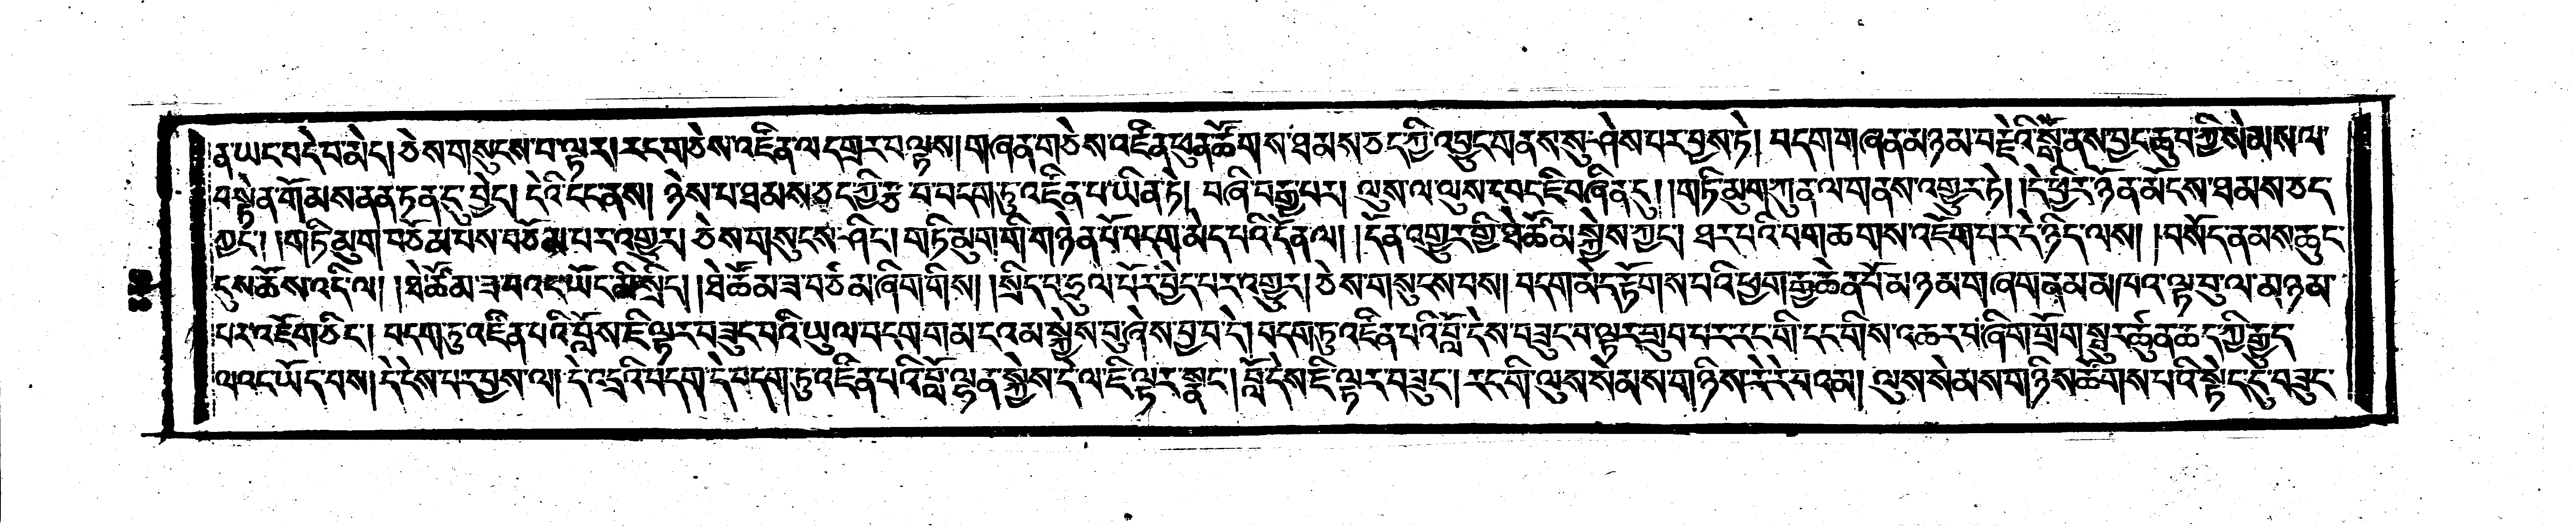ན་ཡང་བདེ་བ་མེད། ཅེས་གསུངས་པ་ལྟར། རང་གཅེས་འཛིན་ལ་དགྲར་བལྟས། གཞན་གཅེས་འཛིན་ཕུན་ཚོགས་ཐམས་ཅད་ཀྱི་འབྱུང་གནས་སུ་ཤེས་པར་བྱས་ཏེ། བདག་གཞན་མཉམ་བརྗེའི་སྒོ་ནས་བྱང་ཆུབ་ཀྱི་སེམས་ལ་
བསྟེན་གོམས་ནན་ཏན་དུ་བྱེད། དེའི་ངང་ནས། ཉེས་པ་ཐམས་ཅད་ཀྱི་རྩ་བ་བདག་ཏུ་འཛིན་པ་ཡིན་ཏེ། བཞི་བརྒྱ་པར། ལུས་ལ་ལུས་དབང་ཇི་བཞིན་དུ། །གཏི་མུག་ཀུན་ལ་གནས་འགྱུར་ཏེ། །དེ་ཕྱིར་ཉོན་མོངས་ཐམས་ཅད་
ཀྱང་། །གཏི་མུག་བཅོམ་པས་བཅོམ་པར་འགྱུར། ཅེས་གསུངས་ཤིང་། གཏི་མུག་གི་གཉེན་པོ་བདག་མེད་པའི་དོན་ལ། །དོན་འགྱུར་གྱི་ཐེ་ཚོམ་སྐྱེས་ཀྱང་། ཐར་པའི་བག་ཆགས་འཇོག་པར་དེ་ཉིད་ལས། །བསོད་ནམས་ཆུང་
ངུས་ཆོས་འདི་ལ། །ཐེ་ཚོམ་ཟ་བའང་ཡོད་མི་སྲིད། །ཐེ་ཚོམ་ཟ་བ་ཙམ་ཞིག་གིས། །སྲིད་པ་ཧྲུལ་པོར་བྱེད་པར་འགྱུར། ཅེས་གསུངས་པས། བདག་མེད་རྟོགས་པའི་ཕྱག་རྒྱ་ཆེན་པོ་མཉམ་གཞག་ནམ་མཁའ་ལྟ་བུ་ལ་མཉམ་
པར་འཇོག་ཅིང་། བདག་ཏུ་འཛིན་པའི་བློས་ཇི་ལྟར་བཟུང་བའི་ཡུལ་བདག་གམ་ངའམ་སྐྱེས་བུ་ཞེས་བྱ་བ་དེ། བདག་ཏུ་འཛིན་པའི་བློ་དེས་བཟུང་བ་ལྟར་གྲུབ་པར་རང་གི་ངང་གིས་འཆར་བ་ཞིག་གྲོག་སྦུར་ཚུན་ཆད་ཀྱི་རྒྱུད་
ལའང་ཡོད་པས། དེ་ངེས་པར་བྱས་ལ། དེ་འདྲའི་བདག་དེ་བདག་ཏུ་འཛིན་པའི་བློ་ལྷན་སྐྱེས་དེ་ལ་ཇི་ལྟར་སྣང་། བློ་དེས་ཇི་ལྟར་བཟུང་། རང་གི་ལུས་སེམས་གཉིས་རེ་རེ་བའམ། ལུས་སེམས་གཉིས་ཚོགས་པའི་སྟེང་དུ་བཟུང་